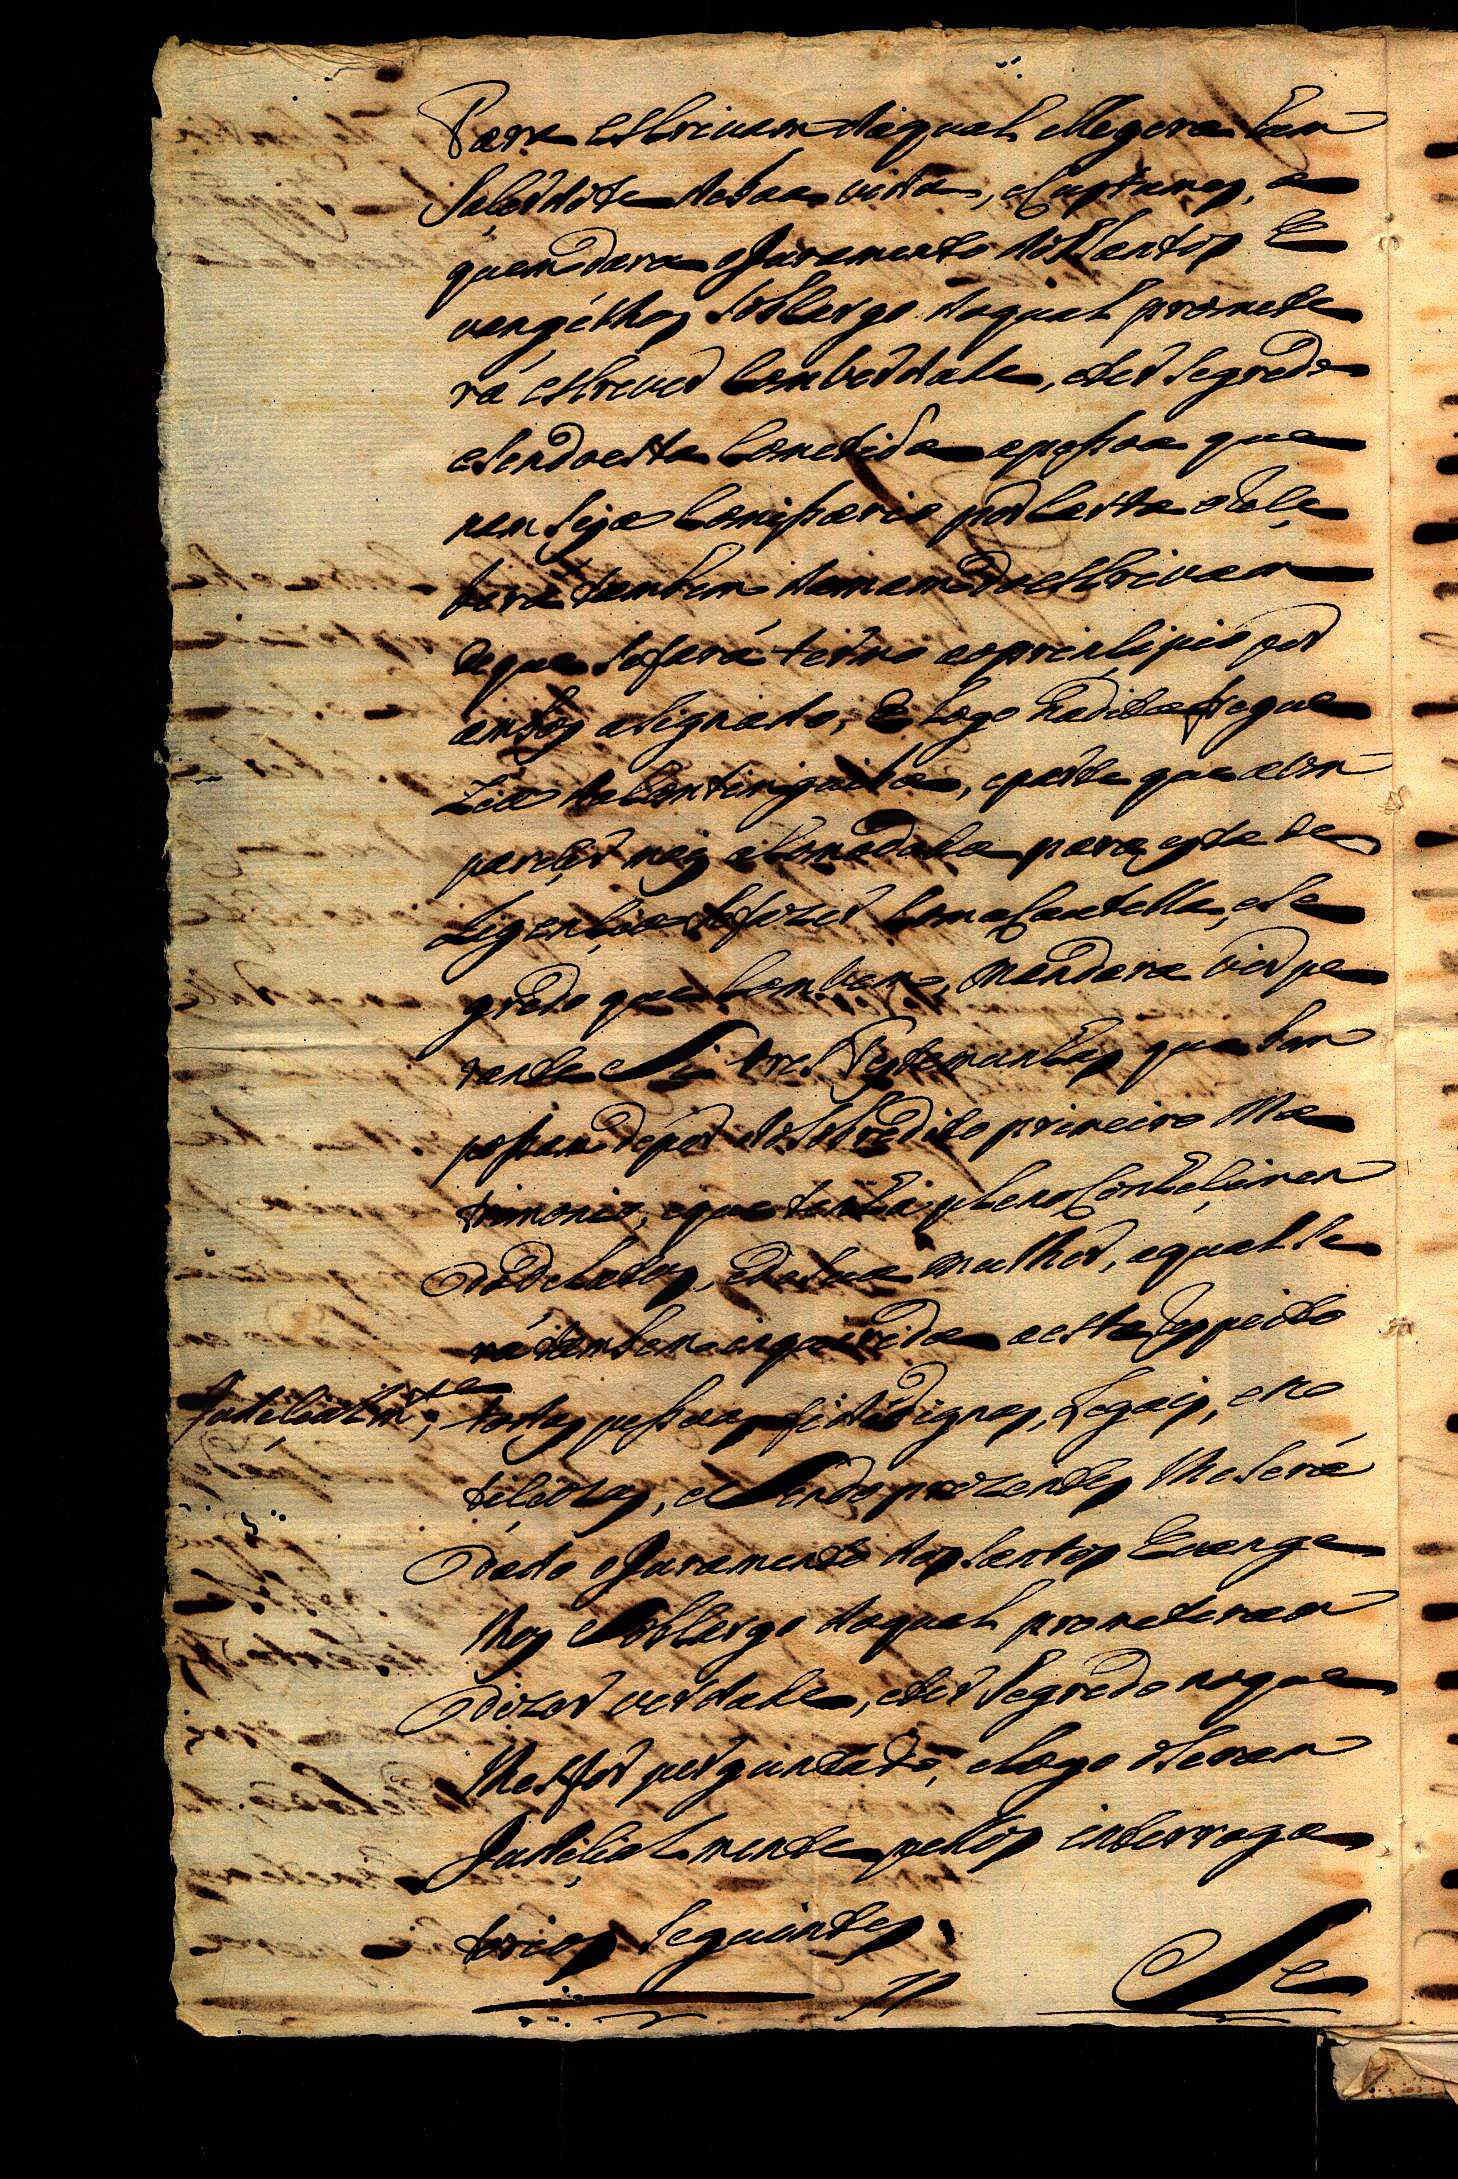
Para esCriuam da quaL ellegera hum
SaÇerdote de boa vida, e Custumes, a
quem dara o Juramento dos santos E
vangélhos sobCargo do quaL promete
rá esCreuer Com verdade e ter segredo
e sendo esta Cometida a pessoa que
nam seja Comissario por Certa o ReÇe
berá tambem da mam do esCrivam
de que se fará termo ao prinÇipio per
ambos asignado, E Logo na dita fregue
Zia da Contimguiba, e parte que a vm
pareÇer mais aComodada para esta de
LigenÇia se fazer Com Cautella, e Se
gredo que Comvem, Mandara vir pe
rante Si tres Testemunhas que bem
possam depor do sobredito primeiro Ma
trimonio, e que tenha pLeno ConheÇimen
do DeLato, e da sua mulher, a quaL se
rá tambem inquirida a este Respeito
todas pessoas fidedignas, Legais, e no
tiÇiozas, e sendo prezentes lhe será
dado o Juramento dos Santos Evange
lhos SobCargo do quaL prometeram
dizer verdade, e ter Segredo no que
lhes for perguntado, e Logo o seram
JudiÇiaLmente pellos interroga
torios Seguintes
Se
JudiÇiaLm,te
